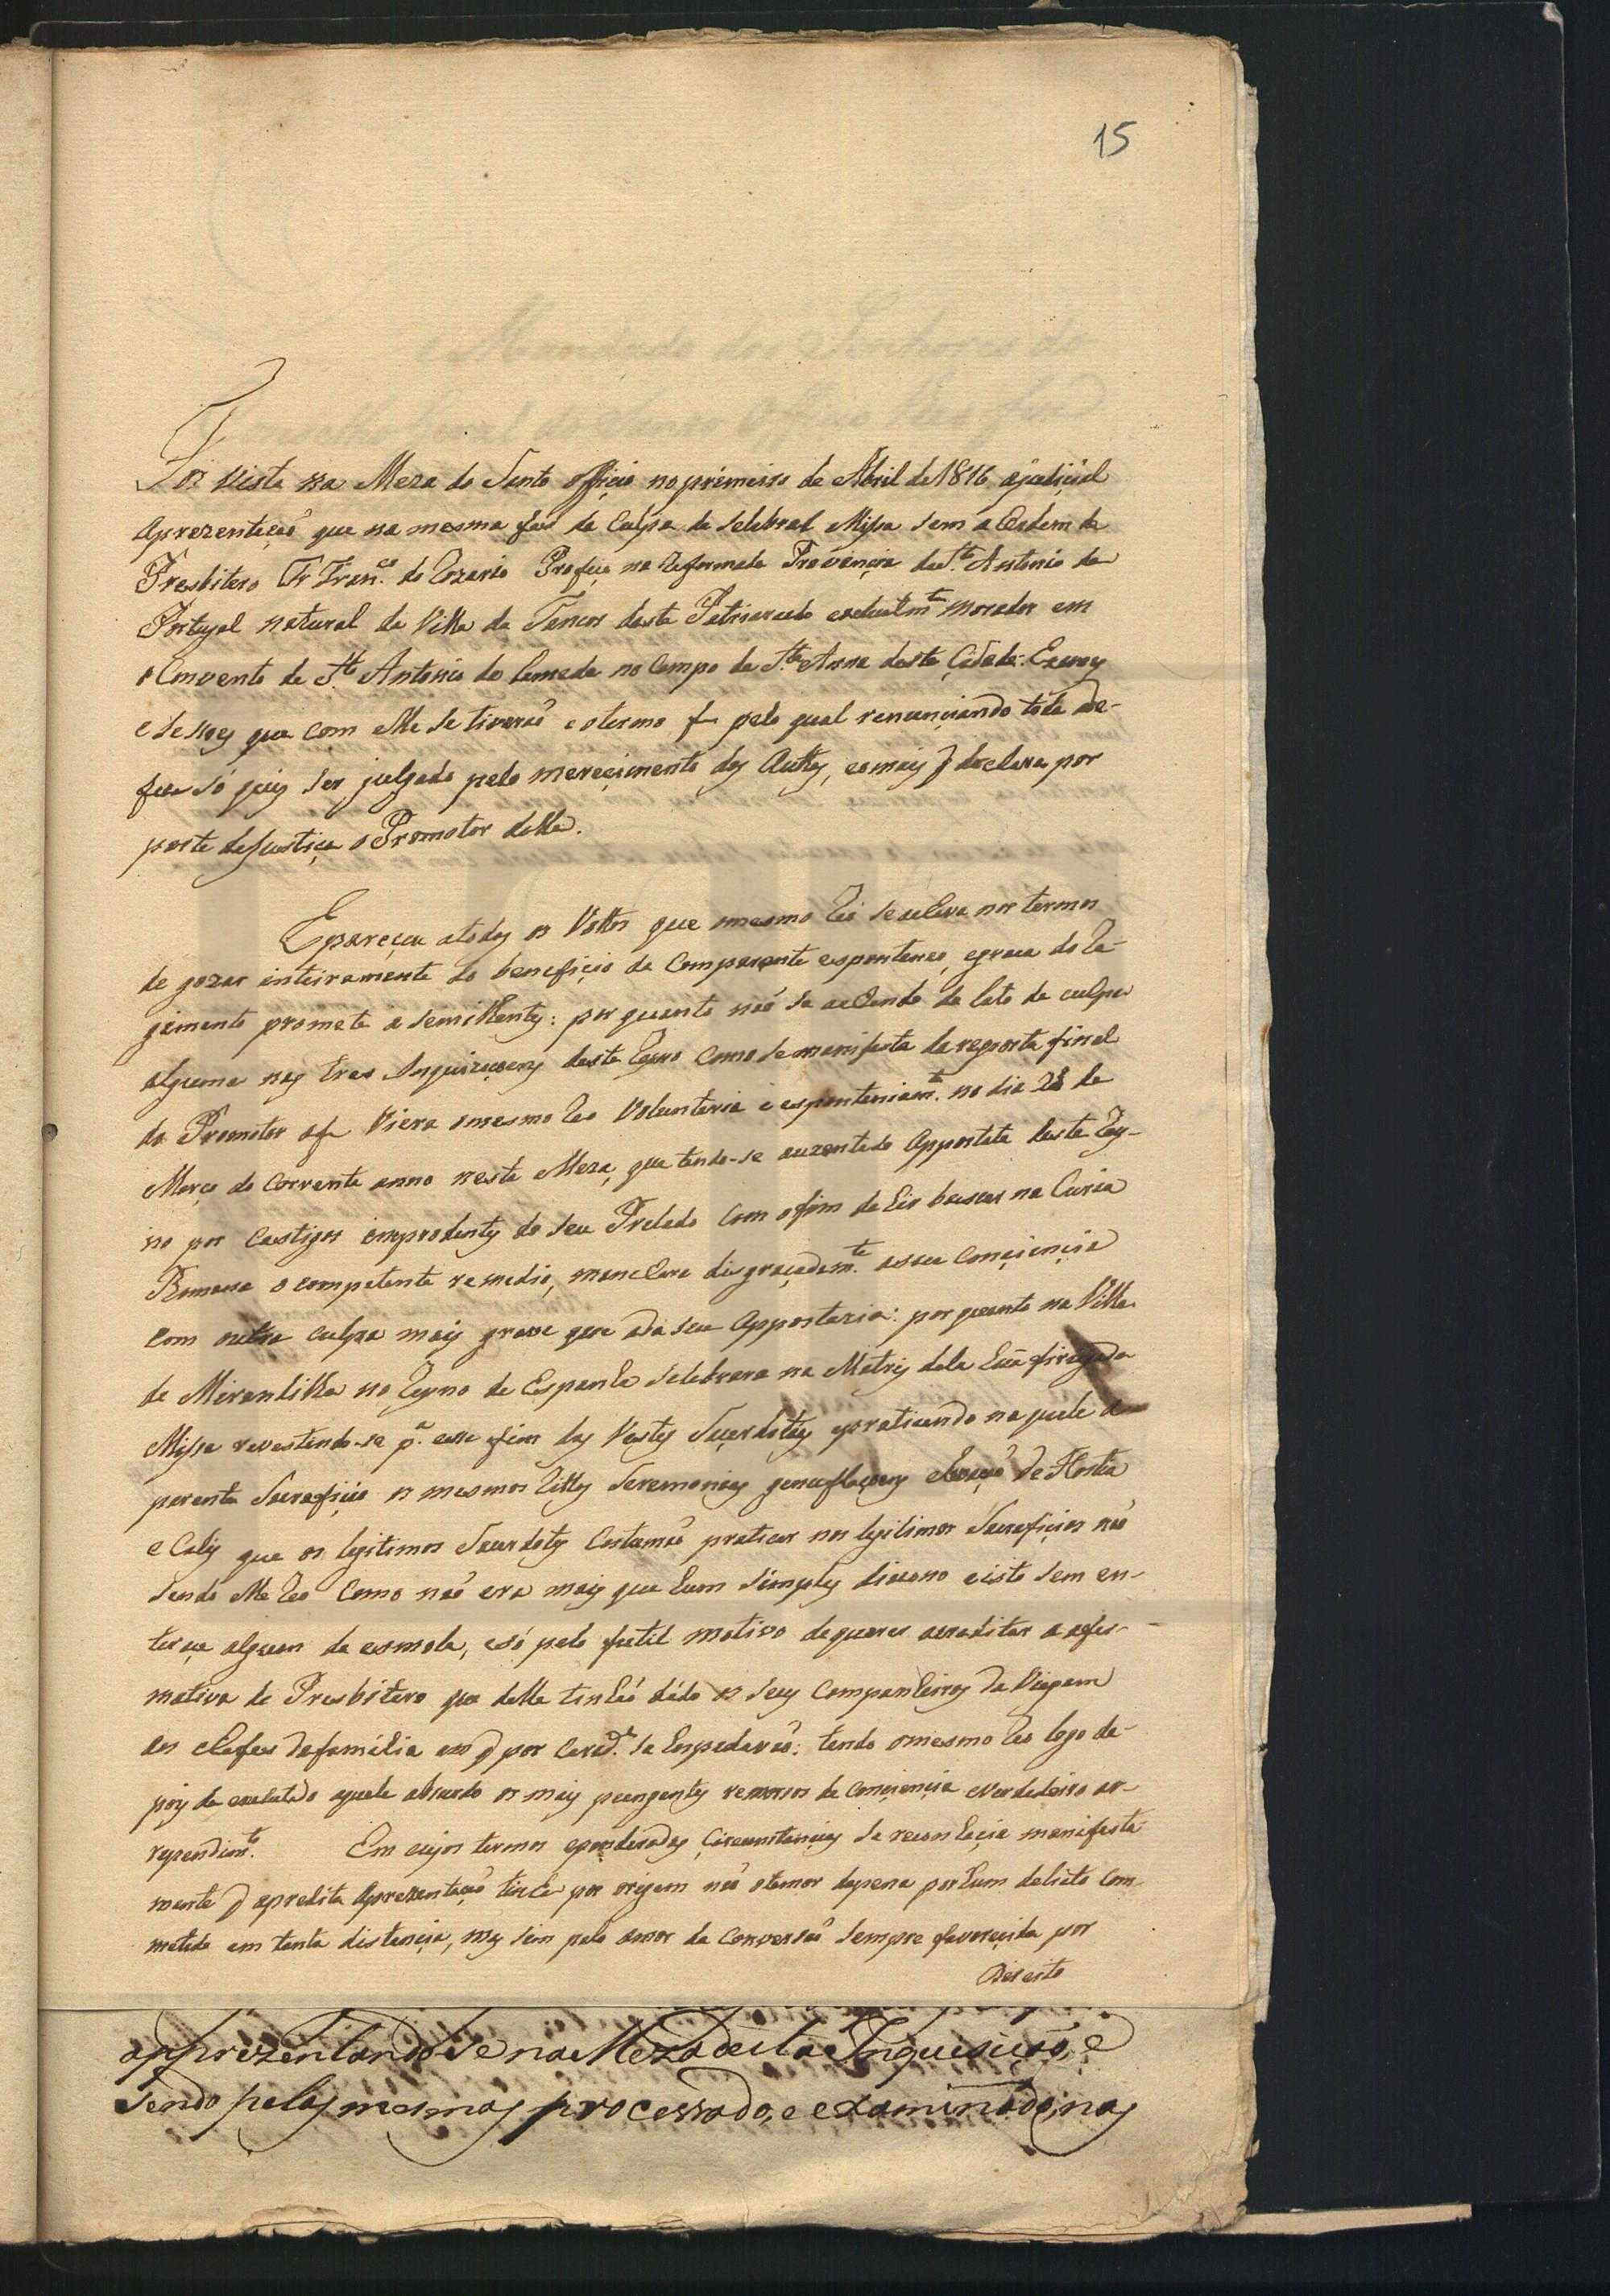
Foi vista na Meza do Santo officio no primeiro de Abril de 1816 a judicial
Aprezenteçaõ que na mesma fez da Culpa de selebral Missa sem a Ordem de
Presbitero Fr Fran.co do Rozario Profeço na Reformada Provincia da S.to Antonio de
Portugal natural da Villa do Tencos deste Patriarcado e acluatm.te morador em
o Convento de S.to Antonio de Lameda no Campo de S.ta Anna desta Cidade: Exames
e sessoes que com elle se tiveraõ e o termo f pelo qual renunciando toda de
fesa so quis ser julgado pelo merecimento dos Autos, e o mais q̄ declara por
parte da Justiça o Promotor della.
E pareceu a todos os Vottos que o mesmo Reo se achava nos termos
de gozar inteiramente do beneficio da Comparente esponteneo e grau do Re
gimento promete a semilhentes: porquanto naõ se achando delato de culpa
alguma nas tres Inquiziçoens deste Reyno como se manifesta da reposta final
do Promotor a f Viera o mesmo Reo Voluntaria e espontaniam.te no dia 25 de
Março do corrente anno nesta Meza, que tendo-se auzentado Appostata deste Rey
no por castigos improdentes do seu Prelado com o fim de hir buscar na Curia
Romana o competente remedio, manchara disgraçadem.te a sua conciencia
com outra culpa mais grave que a da sua Appostazia: porquanto na Villa
de Mirandilha no Reyno de Espanha selebrara na Matris dela huā fingida
Missa revestindo-se p.a este fim das Vestes Sacerdotais e praticando naquele a
parente Sacreficio os mesmos Rittos Seremonias genuflaçoens elevaçaõ de Hostia
e Calis que os legitimos Sacerdotes Costumaõ praticar nos Legitimos Sacreficios naõ
sendo elle Reo como naõ era mais que hum simples diacono e isto sem en
terece algum da esmola, e só pelo futil motivo de querer acreditar a afer
mativa de Presbitero que delle tinhaõ dádo os seus Companheiros da Viagem
aos chefes da familia em q̄ por cared.e se hospedaraõ; tendo o mesmo Reo logo de
pois de executado aquele absurdo os mais pungentes remorsos de conciencia e verdadeiro ar
rependim.to Em cujos termos e ponderadas circunstancias se reconhecia manifesta
mante q̄ a predita aprezentaçaõ tinha por origem naõ o temor da pena por hum delicto com
metido em tanta distancia, mas sim pelo amor da conversaõ sempre favorecida por
Direito
apprezentando-se na Meza desta Inquisiçaõ, e
sendo pelas mesmas processado, e examinado, nas
